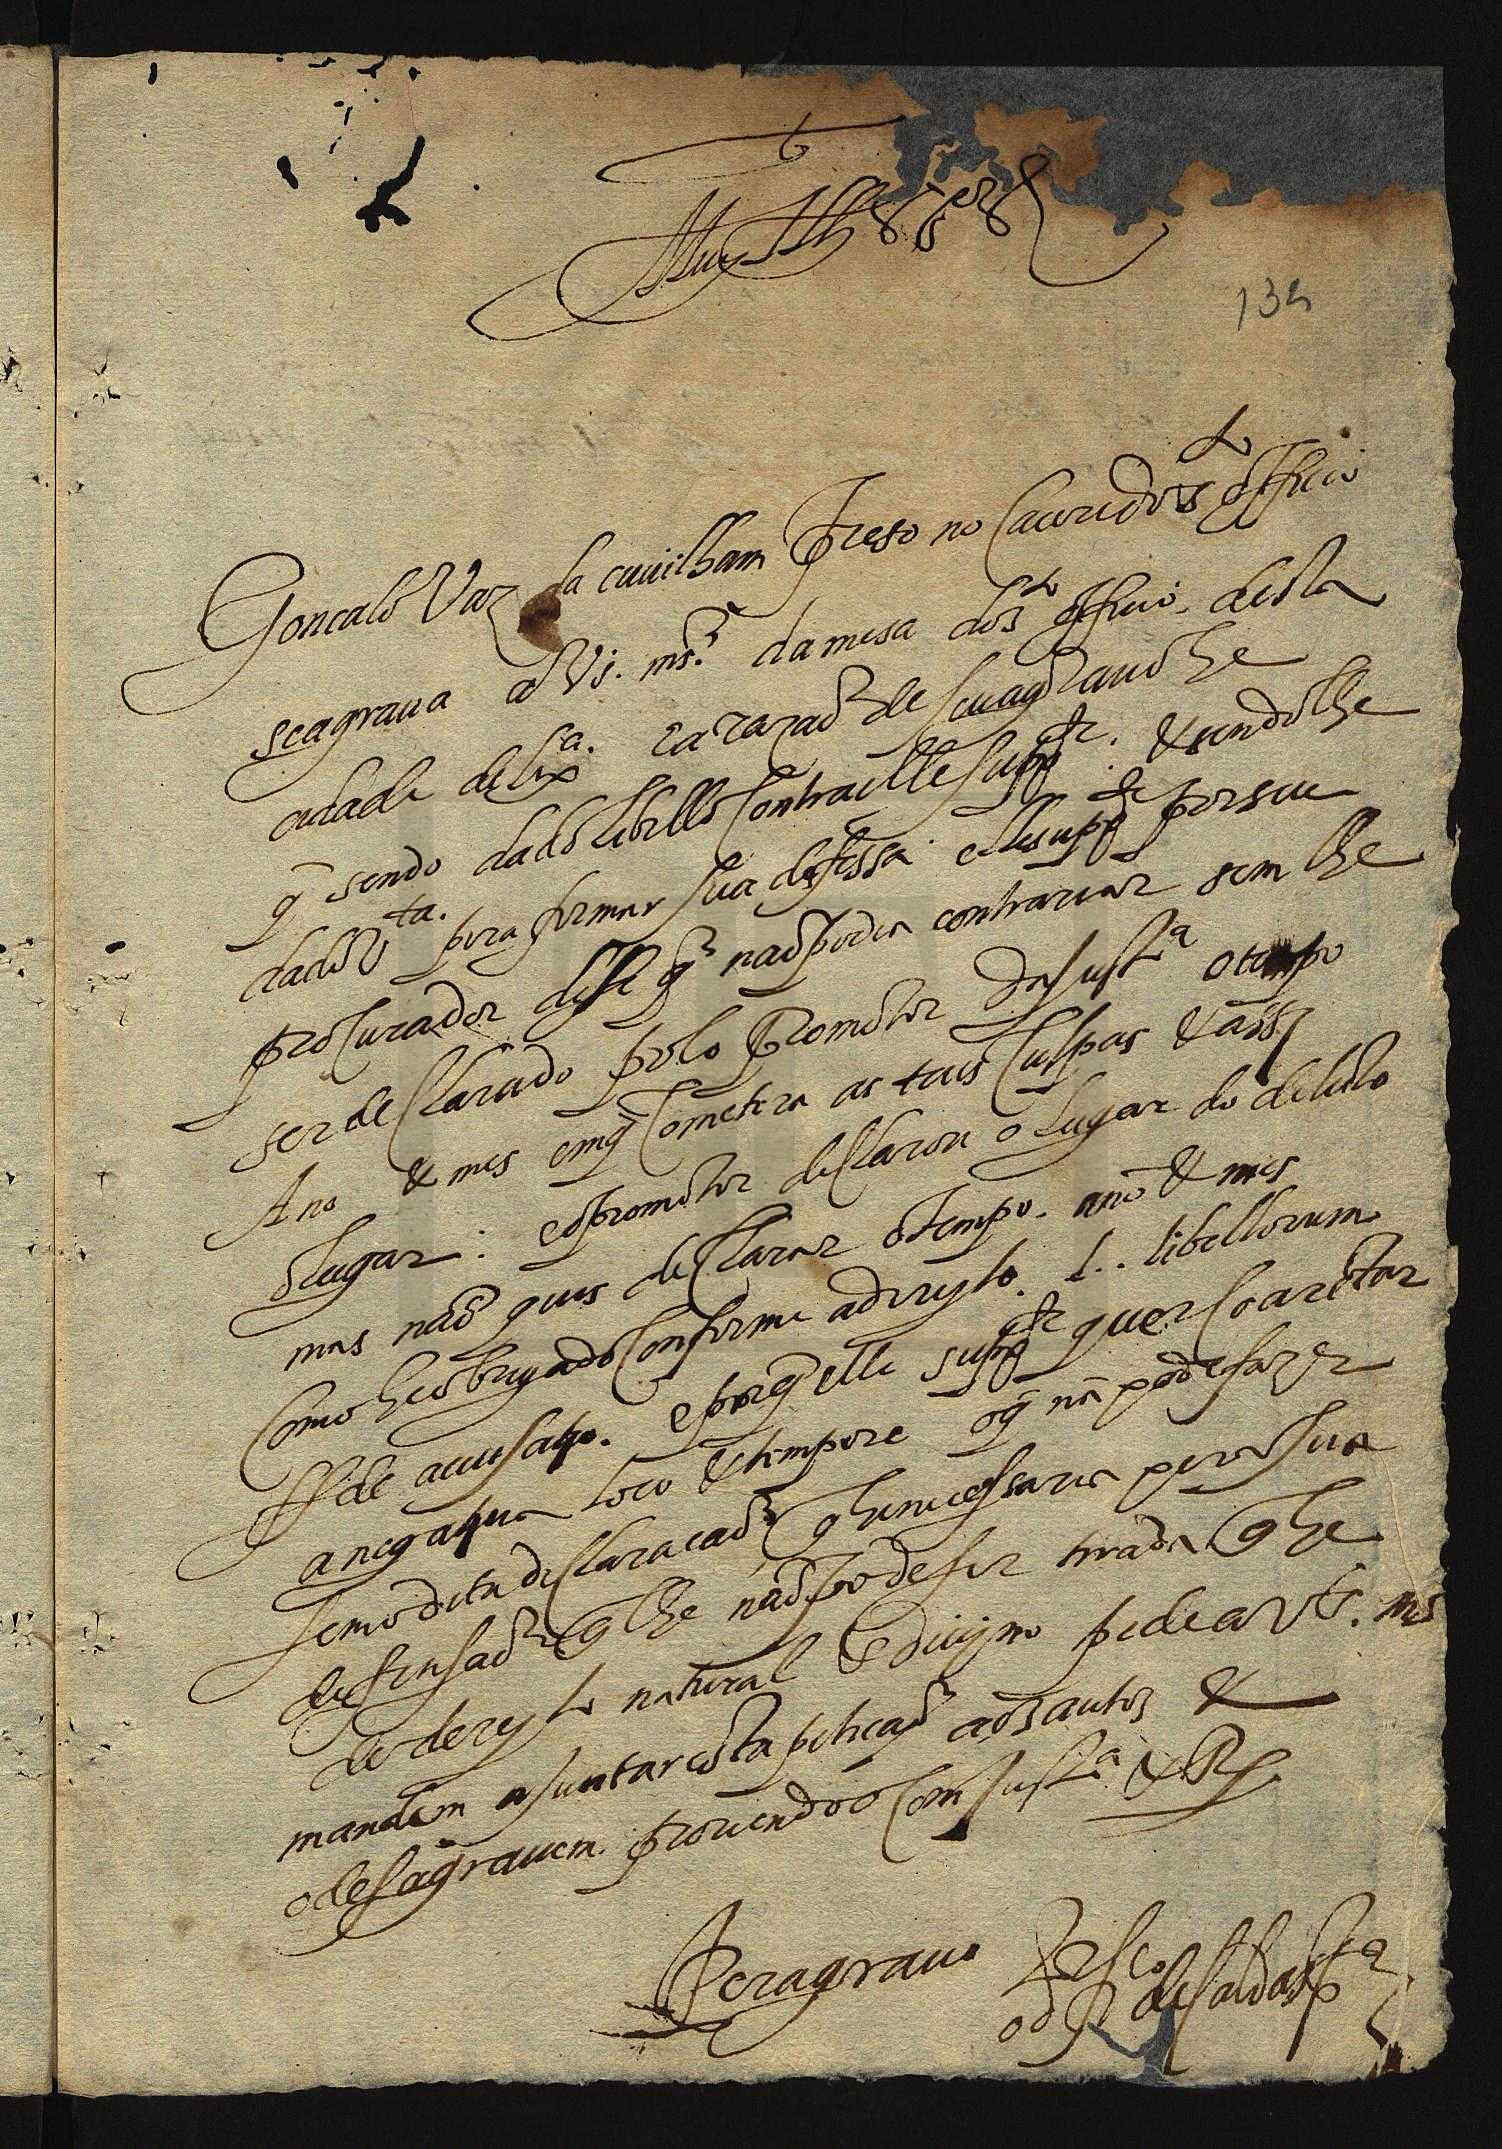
Mto Illes Sres
Gonçalo Vaz da cuuilham preso no Cacere do sto officio
se agraua a Vs. ms̄. da mesa do sto officio desta
cidade de lixa E a razaõ de seu agrauo he
q̄ sendo dado libello Contra elle Suppte : & sendo lhe
dado Vta. pera formar sua defessa elle suppte por seu
proCurador disse q̄ naõ podia contrariar sem lhe
ser deClarado polo promotor da Justa o tempo
Ano & mes em q̄ Cometera as tais Culpas & assj
o lugar : e o promotor deClarou o lugar do delicto
mas naõ quis deClarar o tempo an̄o & mes
Como he obrigado Conforme a direjto. l. libellorum
§ de accusatjo. e porq̄ elle suppte quer Coarctar
a negatjua loco & tempore o q̄ nā pode fazer
sem o dita deClaraçaõ q̄ he necessaria pera sua
defensaõ q̄ lhe naõ pode ser tirada q̄ he
de derejto natural & diujno pede a Vs. ms
mandem aJuntar esta petiçaõ aos autos &
o desagrauem prouendo o Com Justa & Rꝭ
Pera grauo
o dtor frco de Caldas pra
